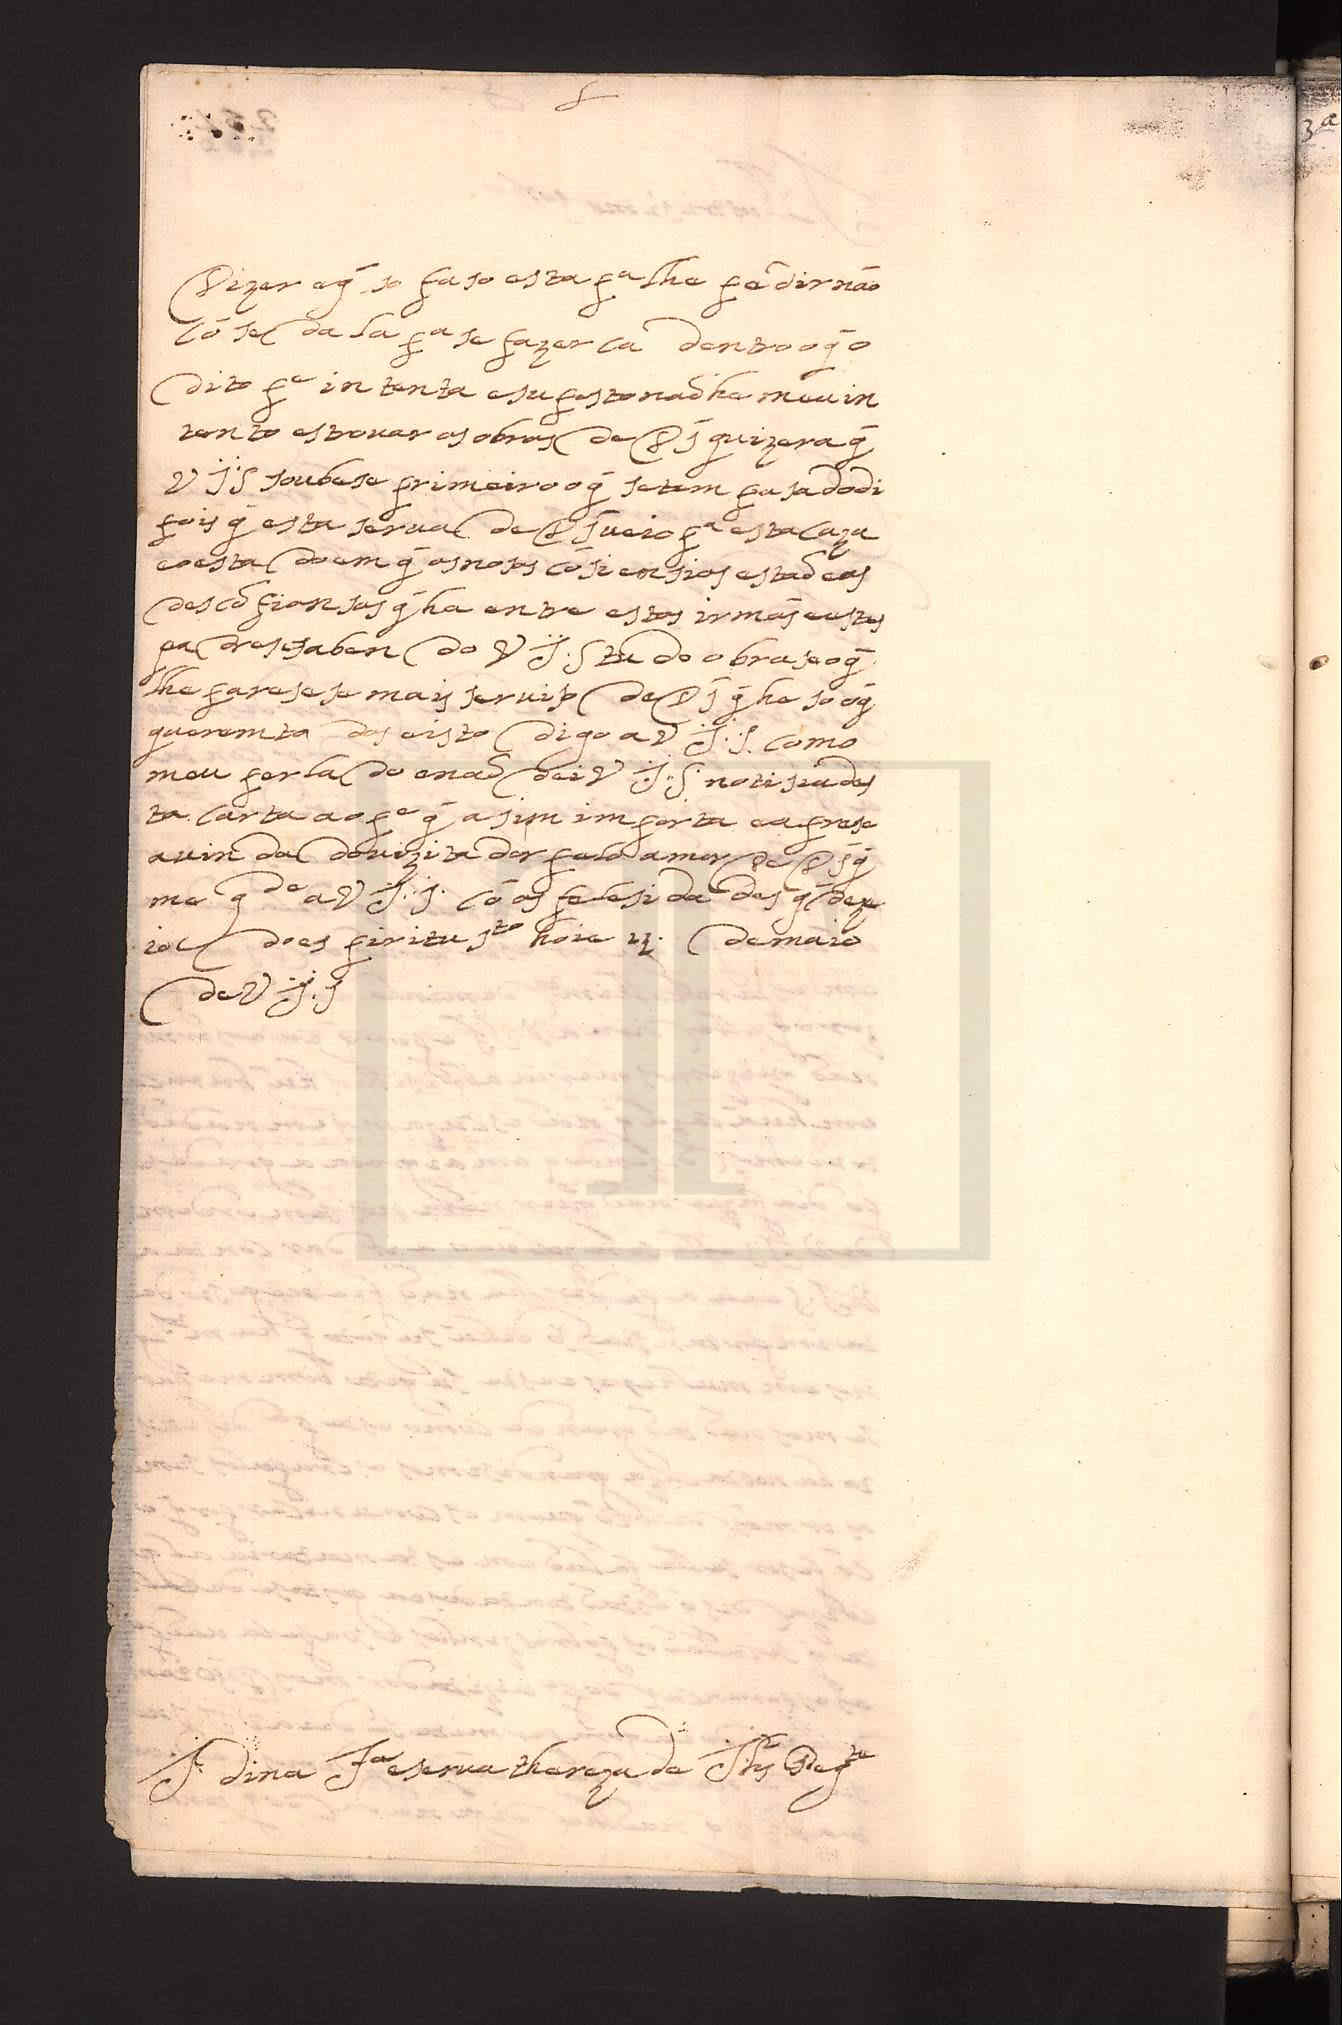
Dizer a q̄ so faso esta pa lhe pedir não
c̄oseda la fa se fazer ca dentro o q̄ o
dito pe intenta e suposto naõ he meu in
tento estrouar as obras de Ds̄ quizera q̄
V J.S soubese primeiro o q̄ se tem pasado di
pois q̄ esta serua de Ds̄ ueio pa esta caza
e estado em q̄ as nosas cōsiensias estaõ e as
descōfiansas q̄ ha entre estas irmās e estes
padres sabendo V J.S. tudo obrase o q̄
lhe paresese mais seruiso de Ds̄ q̄ he so o q̄
querem todas e isto digo a V J.S. como
meu perlado e naõ dei V J.S. notisia des
ta carta ao pe q̄ asim importa e aprese
a uinda do uizitador pelo amor de Ds̄ q̄
me gde a V. J.S. cō as felesidades q̄ deze
io do espiritu sto hoie 23. de maio
de V J.S
Jdina fa e serua thereza de Jhs̄ Regte
